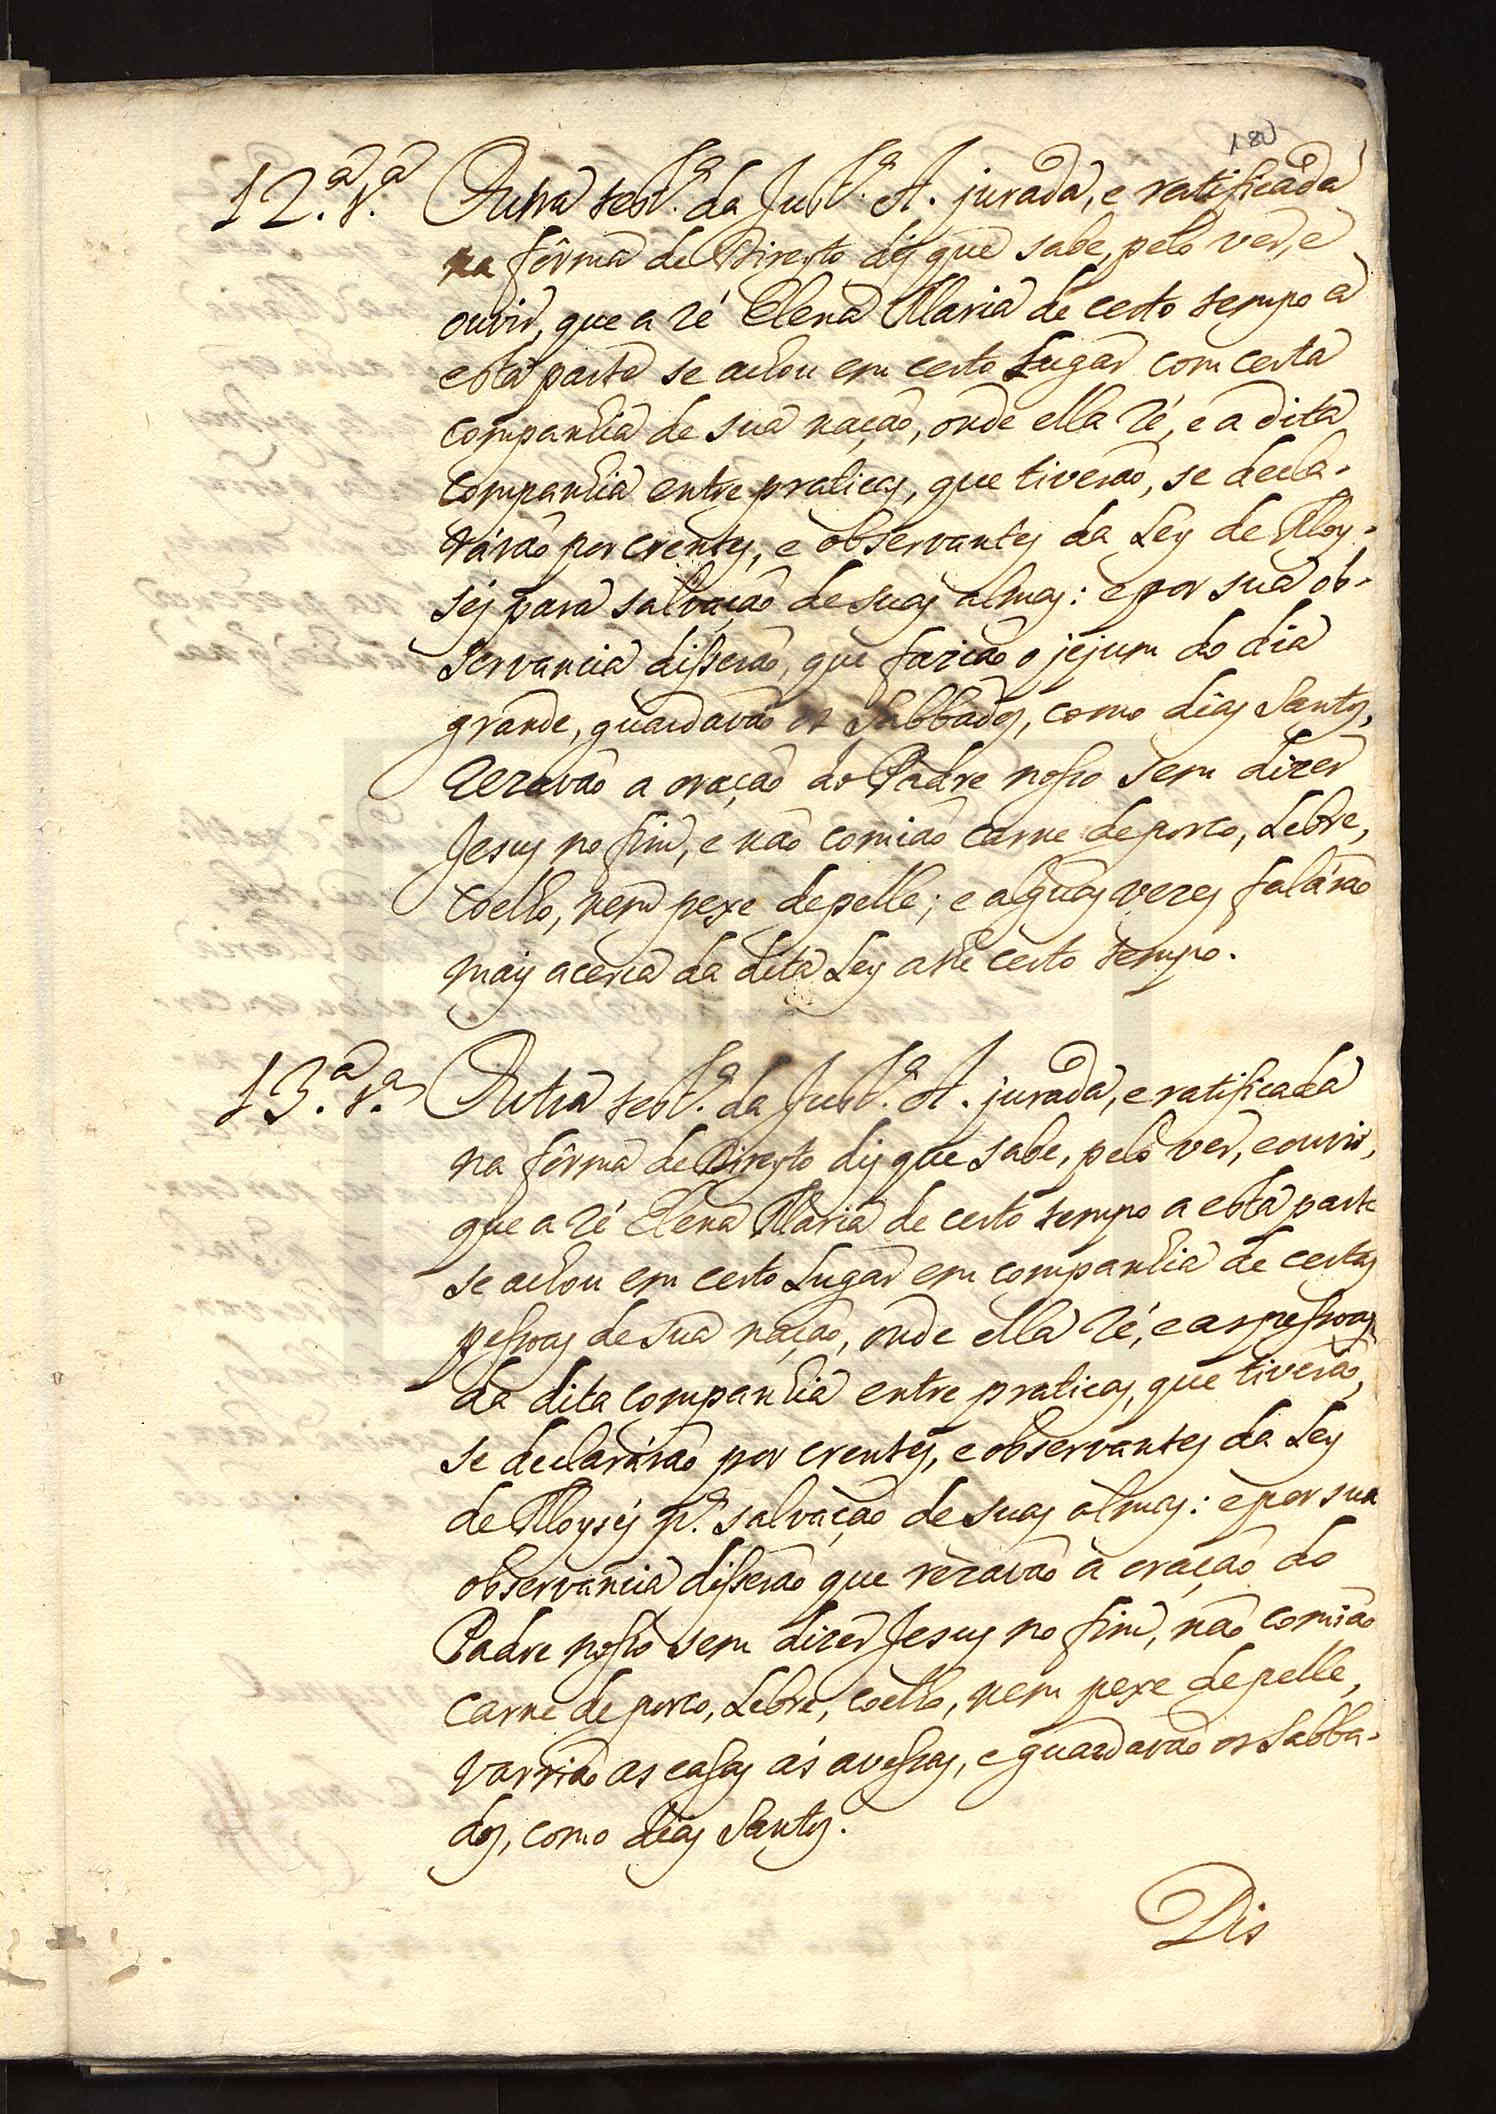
12.a t.a
13.a t.a
Outra test.a da Just.a A. jurada, e ratificada
na forma de Direyto dis que sabe, pelo ver, e
ouvir que a Ré Elena Maria de certo tempo a
esta parte se achou em certo Lugar com certa
companhia de sua naçaõ, onde ella Ré, e a dita
companhia entre praticas, que tiveraõ, se decla
ráraõ por crentes, e observantes da Ley de Moy
sés para salvaçaõ de suas almas: e por sua ob
servancia disseraõ, que faziaõ o jejum do dia
grande, guardavaõ os Sabbados como dias Santos,
Rezavaõ a oração do Padre nosso sem dizer
Jesus no fim, e não comiaõ carne de porco, Lebre,
coelho, nem pexe de pelle; e algūas vezes faláraõ
quais açerca da dita Ley athé certo tempo.
Outra test.a da Just.a A. jurada, e ratificada
na fôrma de Direyto dis que sabe, pelo ver, e ouvir
que a Ré Elena Maria de certo tempo a esta parte
se achou em certo Lugar em companhia de certas
pessoas de sua naçaõ, onde ella Ré, e as pessoas
da dita companhia entre praticas, que tiveraõ,
se declaráraõ por crentes, e observantes da Ley
de Moysés p.a salvaçaõ de suas almas: e por sua
observancia disserão que rezavão a oração do
Padre nosso sem dizer Jesus no fim, não comião
carne de porco, Lebre, coelho, nem pexe de pelle,
varrião as casas ás avessas, e guardavão os Sabba
dos, como dias Santos.
Dis
